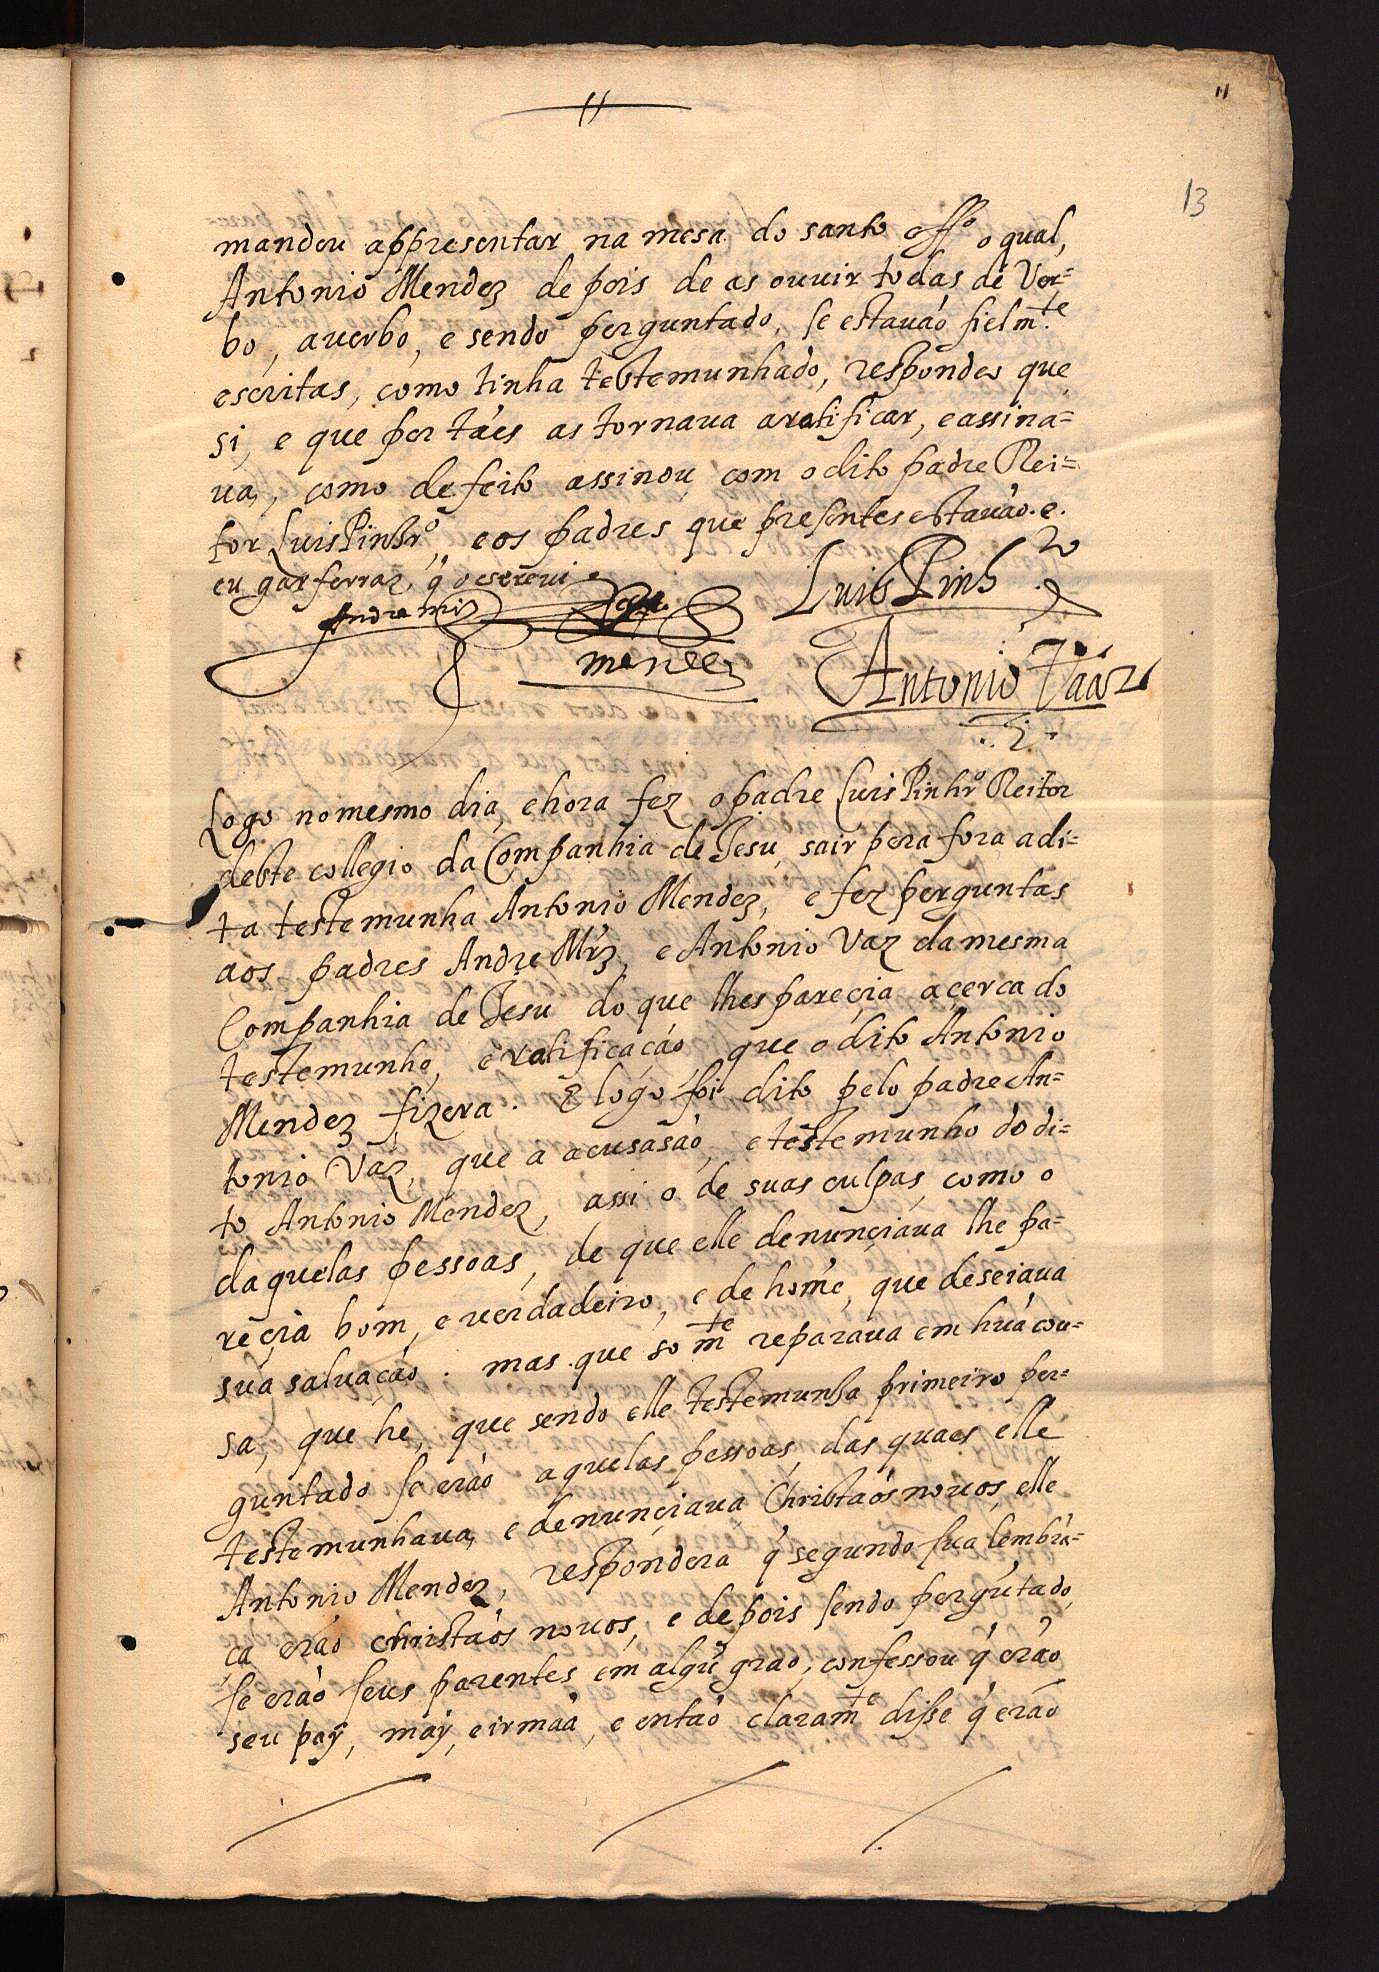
mandou appresentar na mesa do santo offo o qual,
Antonio Mendez depois de as ouuir todas de Ver
bo, a uerbo, e sendo perguntado, se estauaõ fielm.te
escritas, como tinha testemunhado, respondeo que
si, e que por taēs as tornaua a ratificar, e assina
ua, como de feito assinou, com o dito padre Rei
tor Luis Pinhro, e os padres que presentes estauão. e
eu gar ferraz q̄ o escreui
Logo no mesmo dia, e hora fez o padre Luis Pinhro Reitor
deste collegio da Companhia de Iesu, sair pera fora a di
ta testemunha Antonio Mendez, e fez perguntas
aos padres Andre Mr̄z, e Antonio Vaz da mesma
Companhia de Iesu do que lhes pareçia açerca do
testemunho, e ratificação, que o dito Antonio
Mendez fizera. E logo foi dito pelo padre An
tonio Vaz, que a acusasaõ, e testemunho do di
to Antonio Mendez, assi o de suas culpas, como o
daquelas pessoas, de que elle denunçiaua lhe pa
reçia bom, e uerdadeiro, e de homē, que deseiaua
sua saluação. mas que somte reparaua em huā cou
sa, que he, que sendo elle testemunha primeiro per
guntado se eraõ aquelas pessoas, das quaes elle
testemunhaua, e denunçiaua, Christaõs nouos, elle
Antonio Mendez, respondera q̄ segundo sua lembrā
ça erão christaõs nouos, e depois sendo pergūtado,
se eraõ seus parentes em algū grao, confessou q̄ erão
seu pay, may, e irmaā, e entaõ claramte disse q̄ erão
